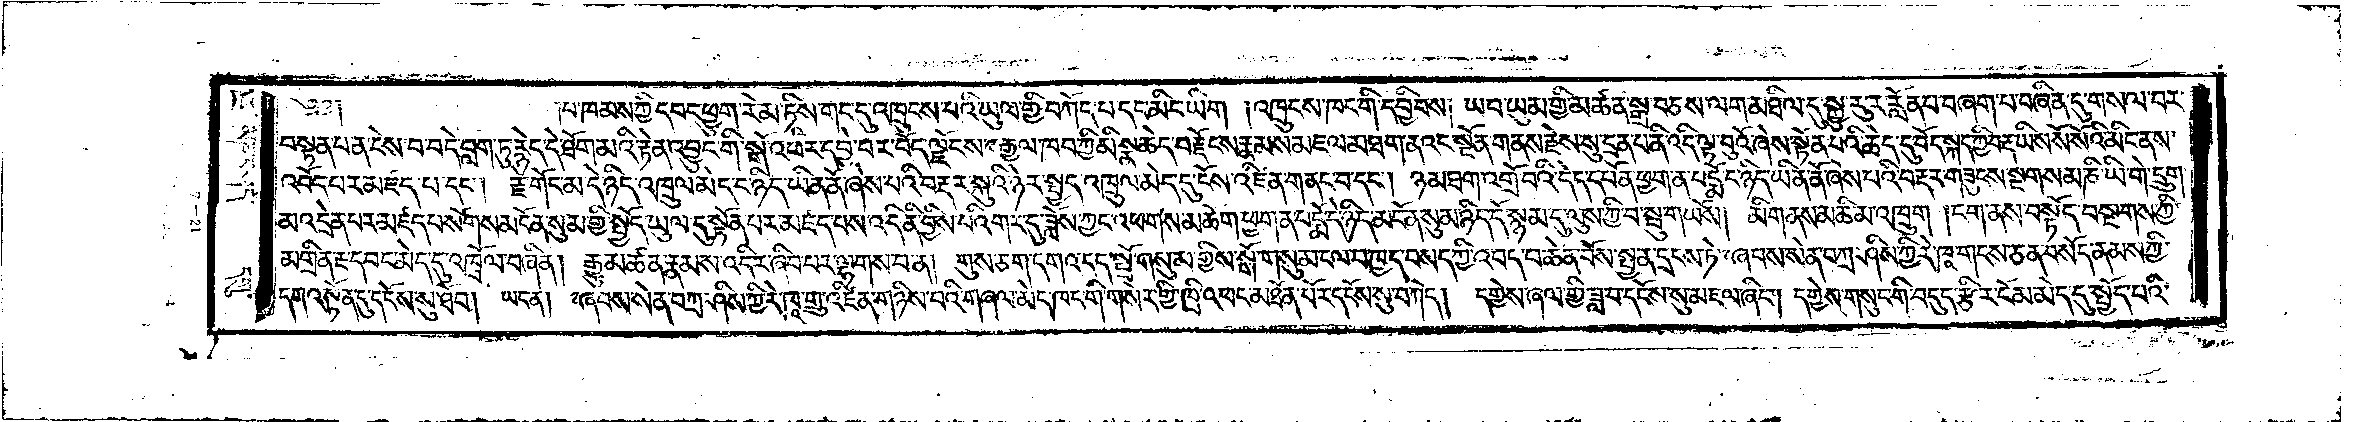༄༅། །པ་ཁམས་ཀྱི་དབང་ཕྱུག་རེམ་ཏཱིས་གང་དུ་འཁྲུངས་པའི་ཡུལ་གྱི་བཀོད་པ་དང་མིང་ཡིག །འཁྲུངས་ཁང་གི་དབྱིབས། ཡབ་ཡུམ་གྱི་མཚན་སྒྲ་བཅས་ལག་མཐིལ་དུ་སྐྱུ་རུར་རློན་པ་བཞག་པ་བཞིན་དུ་གསལ་བར་
བསྟན་པ་ན་ངེས་པ་བདེ་བླག་ཏུ་རྙེད་དེ་ཐོག་མའི་རྟེན་འབྱུང་གི་སྒྲོ་འཕར་དབྱེ་བར་བོད་ལྗོངས ༧རྒྱལ་ཁབ་ཀྱི་མི་སྣ་ཆེད་བརྗོངས་རྣམས་མཇལ་མཐག་ནའང་སྔོན་གནས་རྗེས་སུ་དྲན་པ་ནི་འདི་ལྟ་བུའོ་ཞེས་སྟོན་པའི་ཆེད་དུ་བོད་སྐད་ཀྱི་བརྡ་ཡིས་སོ་སོའི་མིང་ནས་
འབོད་པར་མཛད་པ་དང་། རྗེ་གོང་མ་དེ་ཉིད་འཁྲུལ་མེད་ང་ཉིད་ཡིན་ནོ་ཞེས་པའི་བརྡར་སྐུའི་ཉེར་སྤྱད་འཁྲུལ་མེད་དུ་ངོས་འཛིན་གནང་བ་དང་། ཉམ་ཐག་འགྲོ་བའི་དེད་དཔོན་ཕྱག་ན་པདམོ་པ་ཉིད་ཡིན་ནོ་ཞེས་པའི་བརྡར་གཟུངས་སྔགས་མ་ཎི་ཡི་གེ་དྲུག་
མ་འདྲེན་པར་མཛད་པ་སོགས་མངོན་སུམ་གྱི་སྤྱོད་ཡུལ་དུ་སྟོན་པར་མཛད་པས་འདི་ནི་བྱིས་པའི་གར་དུ་ཟློས་ཀྱང་འཕགས་མཆོག་ཕྱག་ན་པདམོ་དེ་ཉིད་མངོན་སུམ་ཉིད་དོ་སྙམ་དུ་ལུས་ཀྱི་བ་སྤུ་གཡོས། མིག་ནས་མཆིམ་འཁྲུག །ངག་ནས་བསྟོད་བསྔགས་ཀྱི་
མགྲིན་རྔ་དབང་མེད་དུ་འཁྲོལ་བཞིན། རྒྱུ་མཚན་རྣམས་འདིར་ཞིབ་པར་ལྷགས་བ་ན། གུས་ཅག་དགའ་དད་སྤྲོ་གསུམ་གྱིས་སྒོ་གསུམ་ངལ་བ་ཁྱད་བསད་ཀྱི་འབད་བ་ཆེན་པོས་སྤྱན་དྲངས་ཏེ་ཞབས་སེན་བཀྲ་ཤིས་ཀྱི་རེ་ཁཱ་གངས་ཅན་བསོད་ནམས་ཀྱི་
དགའ་སྟོན་དུ་དངོས་སུ་ཐོབ། ཡང་ན། ༧ཞབས་སེན་བཀྲ་ཤིས་ཀྱི་རེ་ཁཱ་གྲུ་འཛིན་གཉིས་པའི་གཞལ་མེད་ཁང་གི་གསར་གྱི་ཁྲི་འཕང་མཐོན་པོར་དངོས་སུ་བཀེད། དགྱེས་ཞལ་གྱི་ཟླ་བ་དངོས་སུ་མཇལ་ཞིང་། དགྱེས་གསུང་གི་བདུད་རྩིར་ངོམ་མེད་དུ་སྤྱོད་པའི་